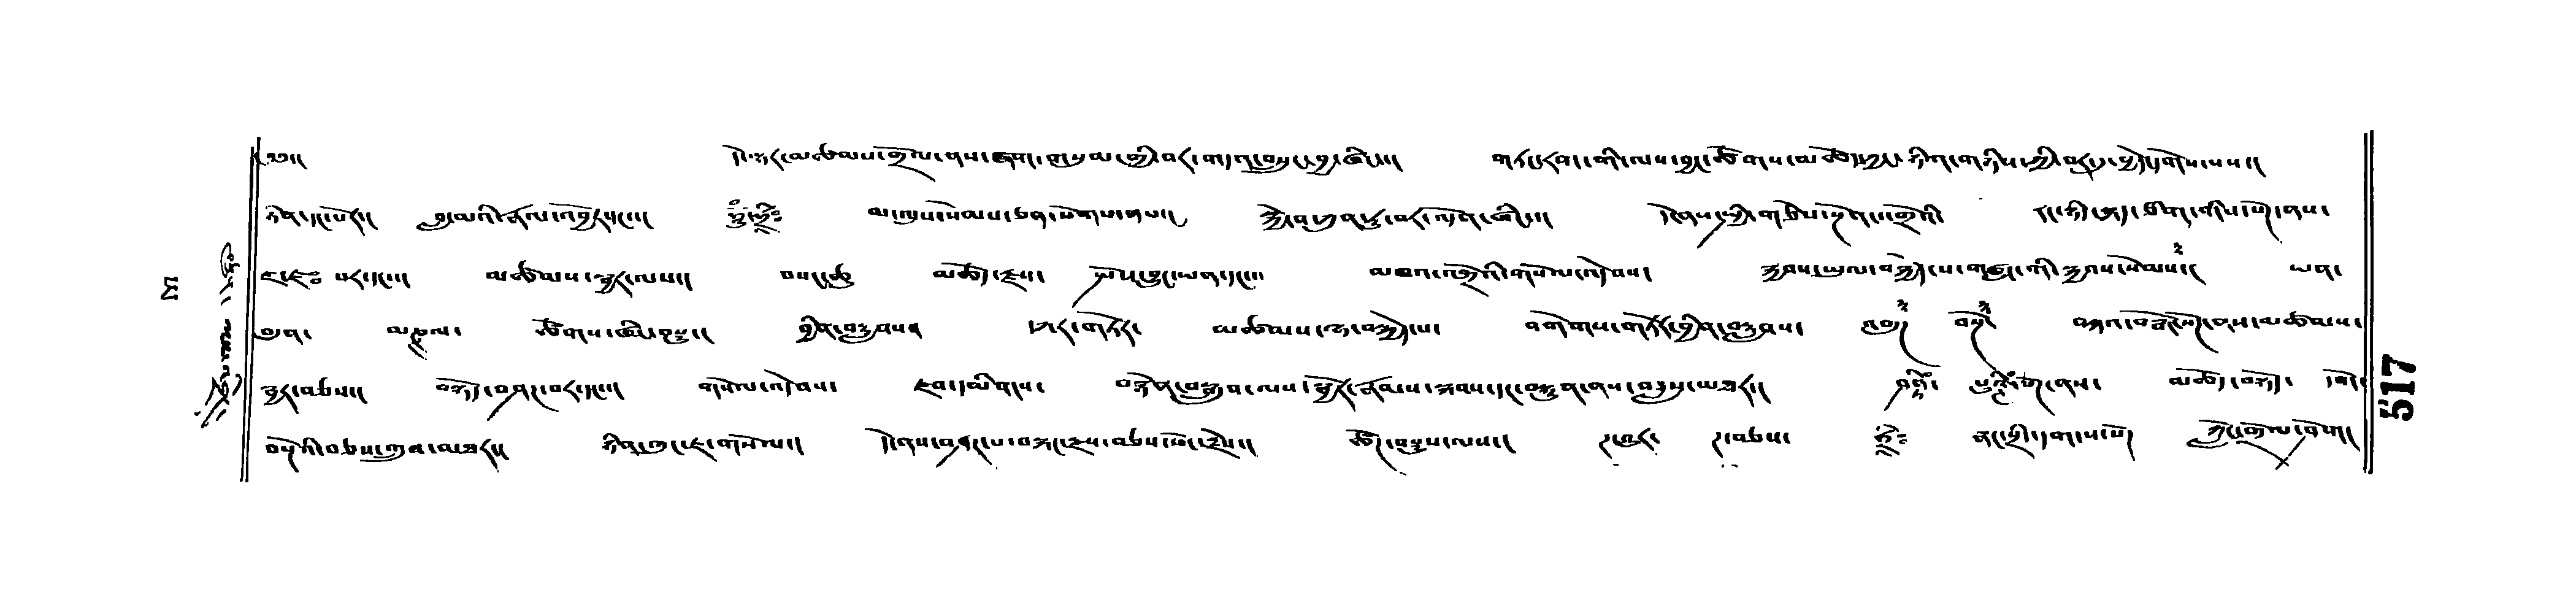དེ་ལྟར་མཚམས་གྲོལ་ནས་ཞག་གསུམ་གྱི་བར་གདན་བསྲུང་བྱ་ཞིང་། གཏང་རག་གི་ལས་བྱང་ཚོགས་མཆོད་ཀྱང་ཉིན་གཉིས་ཀྱི་བར་དུ་བྱེད་དགོས་པས། 
ཉིན་དང་པོར། བླ་མའི་རྣལ་འབྱོར་དང་། ཧཱུྃ་ཧྲཱིཿ མ་ལུས་སེམས་ཅན་སོགས་ནས། སྐྱེ་བ་ཀུན་ཏུ་བར་འདོན་ཞིང་། དེ་ནས་སྤྱི་གཅེས་སྔོན་འགྲོའི། རང་ཉིད་སྐད་ཅིག་གིས་སོགས་ནས། 
ཛ་ཛཿ བར་དང་། མཚམས་སྦྱར་ལས། བསང་ཆུ། མཆོད་རྫས། སྤོས་ཕྱུང་ཡན་དང་། མཁའ་འགྲོའི་གསོལ་འདེབས། སྐྱབས་ཡུལ་བསྐྱེད་པ་གཞུང་གི་སྐྱབས་སེམས་གསུམ། ཡན་
བདུན། མཎྜལ། ཚོགས་ཞིང་བསྡུ། བྱིན་བརླབས། དཀར་གཏོར། མཚམས་ལྷ་བསྐྱེད་པ།བགེགས་གཏོར་བྱིན་བརླབས། འགུགས་པ་གསུམ། བསྔོ་བ་གསུམ། བཀའ་བསྒོ་སོགས་ནས་མཚམས་
སྦྱར་བཅས། བསྟོད་བཤགས་བར་དང་། གསོལ་འདེབས། འཛབ་དམིགས། བསྙེན་བསྒྲུབ་ལས་སྦྱོར་རྣམས་སྐབས་དང་བསྟུན་ནས་བཟླས་མཐར། ཤནྟིཾ་པུཥྚིཾ་སོགས་ནས། མཆོད་བསྟོད། དགེ་
བསྔོ་བཅས་གྲུབ་མཐར། ཉིན་གུང་ཇ་གསོལ། དེ་ནས་བཤགས་པ་བསྐང་རྗས་བཅས་སོང་རྗེས། ཚོགས་བསྡུས་ལས། ཌཱ་འུར། ཌཱ་བཅས། ཧྲཱིཿ སྣང་སྲིད་དག་པ་སོགས། ཀློང་གྲོལ་ཤོག༔